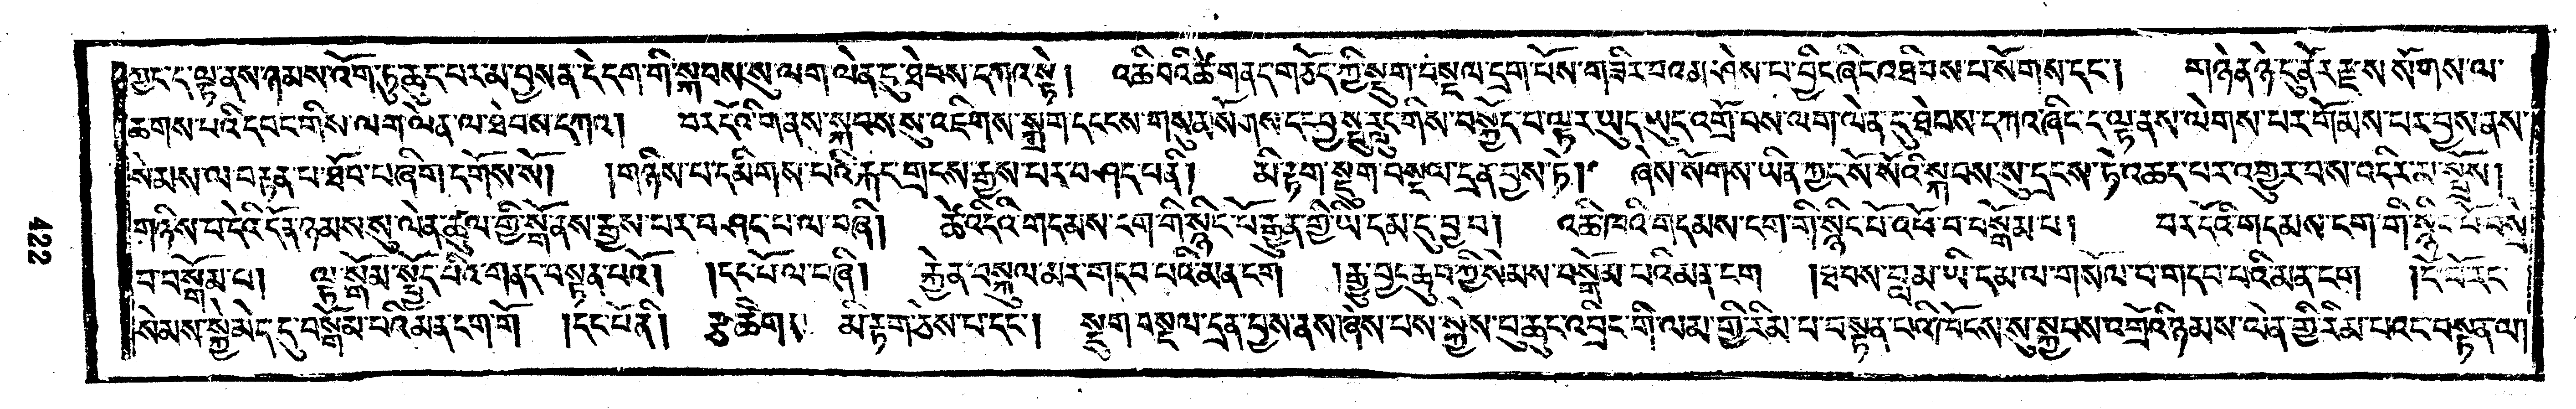ཀྱང་ད་ལྟ་ནས་ཉམས་འོག་ཏུ་ཆུང་བར་མ་བྱས་ན་དེ་དག་གི་སྐབས་སུ་ལག་ལེན་དུ་ཐེབས་དཀའ་སྟེ། འཆི་བའི་ཚེ་གནད་གཅོད་ཀྱི་སྡུག་བསྔལ་དྲག་པོས་གཟིར་བའམ་ཤེས་པ་བྱིང་ཞིང་འཐིབས་པ་སོགས་དང་། གཉེན་ཉེ་དུ་ནོར་རྫས་སོགས་ལ་
ཆགས་པའི་དབང་གིས་ལག་ལེན་ལ་ཐེབས་དཀའ། བར་དོའི་གནས་སྐབས་སུ་འཇིགས་སྐྲག་དངངས་གསུམ་སོགས་དང་བྱ་སྤུ་རླུང་གིས་བསྐྱོད་པ་ལྟར་ཡུད་ཡུད་འགྲོ་བས་ལག་ལེན་དུ་ཐེབས་དཀའ་ཞིང་ད་ལྟ་ནས་ལེགས་པར་གོམས་པར་བྱས་ནས་
སེམས་ལ་བརྟན་པ་ཐོབ་པ་ཞིག་དགོས་སོ། །གཉིས་པ་དམིགས་པའི་རྐང་གྲངས་རྒྱས་པར་བཤད་པ་ནི། མི་རྟག་སྡུག་བསྔལ་དྲན་བྱས་ཏེ། ཞེས་སོགས་ཡིན་ཀྱང་སོ་སོའི་སྐབས་སུ་དྲངས་ཏེ་འཆད་པར་འགྱུར་བས་འདིར་མ་སྤྲོས།
གཉིས་པ་དེའི་དོན་ཉམས་སུ་ལེན་ཚུལ་གྱི་སྒོ་ནས་རྒྱས་པར་བཤད་པ་ལ་བཞི། ཚེ་འདིའི་གདམས་ངག་གི་སྙིང་པོ་རྒྱུན་གྱི་ཡི་དམ་དུ་བྱ་བ། འཆི་ཁའི་གདམས་ངག་གི་སྙིང་པོ་འཕོ་བ་བསྒོམ་པ། བར་དོའི་གདམས་ངག་གི་སྙིང་པོ་བསྲེ་
བ་བསྒོམ་པ། ལྟ་སྒོམ་སྤྱོད་པའི་གནད་བསྟན་པའོ། །དང་པོ་ལ་བཞི། རྐྱེན་བསྐུལ་མར་གདམ་བའི་མན་ངག །རྒྱུ་བྱང་ཆུབ་ཀྱི་སེམས་བསྒོམ་པའི་མན་ངག །ཐབས་བླ་མ་ཡི་དམ་ལ་གསོལ་བ་གདབ་པའི་མན་ངག །ངོ་བོ་རང་
སེམས་སྐྱེ་མེད་དུ་བསྒོམ་པའི་མན་ངག་གོ། །དང་པོ་ནི། རྩ་ཚིག། མི་རྟག་ཅེས་པ་དང་། སྡུག་བསྔལ་དྲན་བྱས་ནས་ཞེས་པས་སྐྱེས་བུ་ཆུང་འབྲིང་གི་ལམ་གྱི་རིམ་པ་བསྟན་པའི་ཁོངས་སུ་སྐྱབས་འགྲོའི་ཉམས་ལེན་གྱི་རིམ་པའང་བསྟན་ལ།